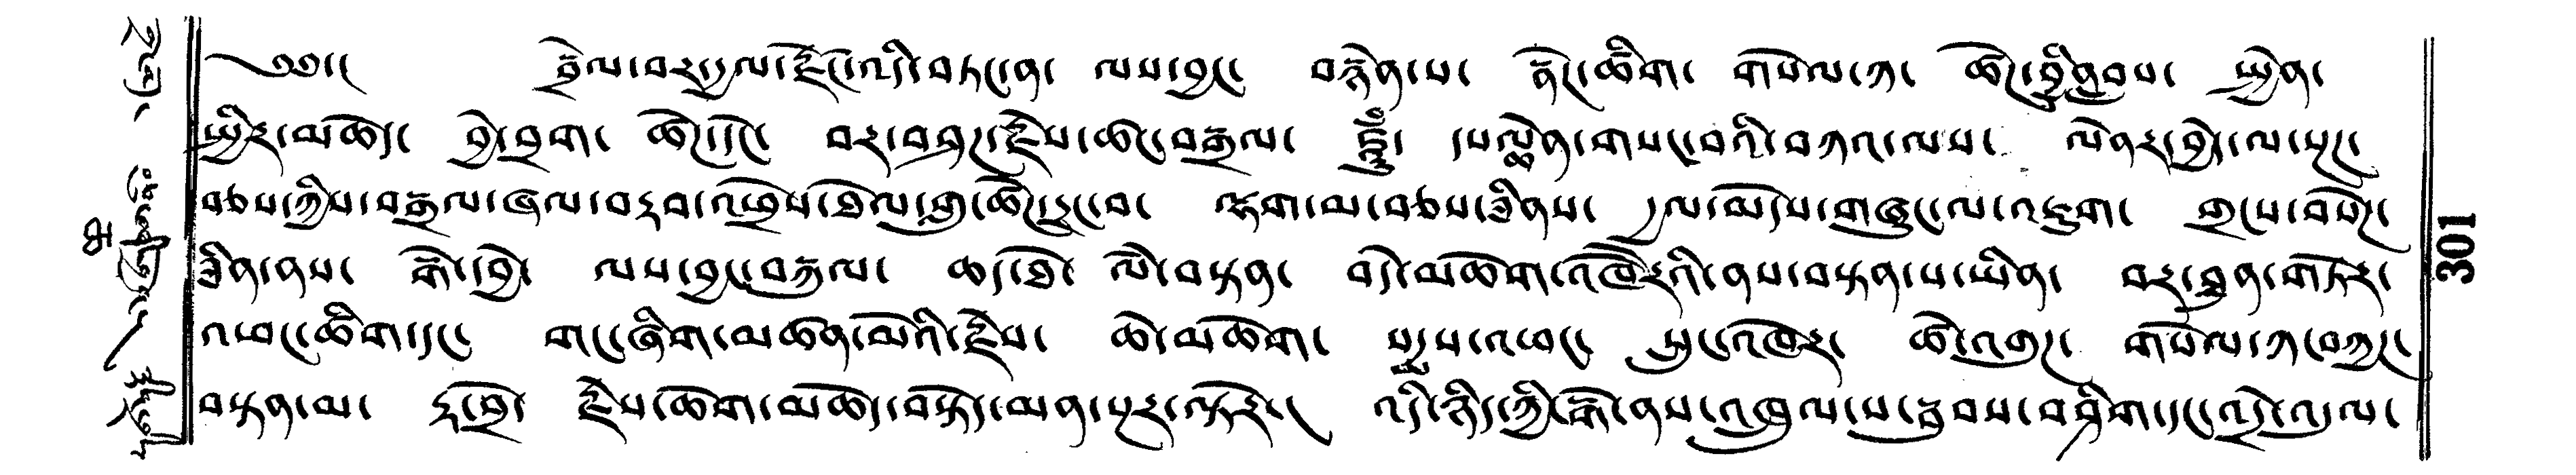སྦྲེལ་བར་རྒྱལ་རྫོང་འདི་བཏང་ན། ལས་བྱང་། བསྙེན་པ། སྟོང་ཚིག གསོལ་ཀ ཚོགས་བྱིན་རླབས། སྤྱན་འདྲེན། 
སྤྱིར་མཆོད། བྱེ་བྲག ཚོགས་དང་པོ་བར་བཤགས་རྗེས། ཚོགས་བསྒྲལ་པ། ཧཱུྃ༔ དཔལ་ཆེན་གསང་བའི་བཀའ་ལས༴ སྔགས་
བཅས་ཀྱིས་བསྒྲལ། ཞལ་བསྟབ་འཕྲོས། ཐོལ་གླུའི་ཚོགས་དྲང་བ། ལྷག་མ་བཅས་ཟིན་ནས། རྒྱལ་མདོས་གཞུང་ལ་འཇུག གྲངས་བསགས་
ཟིན་ནས། སྒོ་དབྱེ། ལས་བྱང་བསྐུལ། ཆད་ཐོ། ལམ་བསྟན། བདེ་མཆོག་འཁོར་ལོའི༴ ནས། བསྟན་པ་ཡིན། བར་ཐུན་གཏོར་
འཕང་ཚིག་དང་། གང་ཞིག་མཚན་མོ༴ འི་རྗེས། ཆེ་མཆོག་པདྨས་འཕང་། སྲུང་འཁོར། ཚེ་འགུགས། གསོལ་ཀ་བཀྱག་
བསྟན་མ། རྟ་བྲོ། རྗེས་ཆོག་མཆོད་བསྟོད་མན་སྔར་ལྟར་རོ། འདི་ཉིད་ཀྱི་སྒོ་ནས་འཁྲུལ་པ་སྦུབས་བཤིག་དང་འདྲེ་འདུལ་